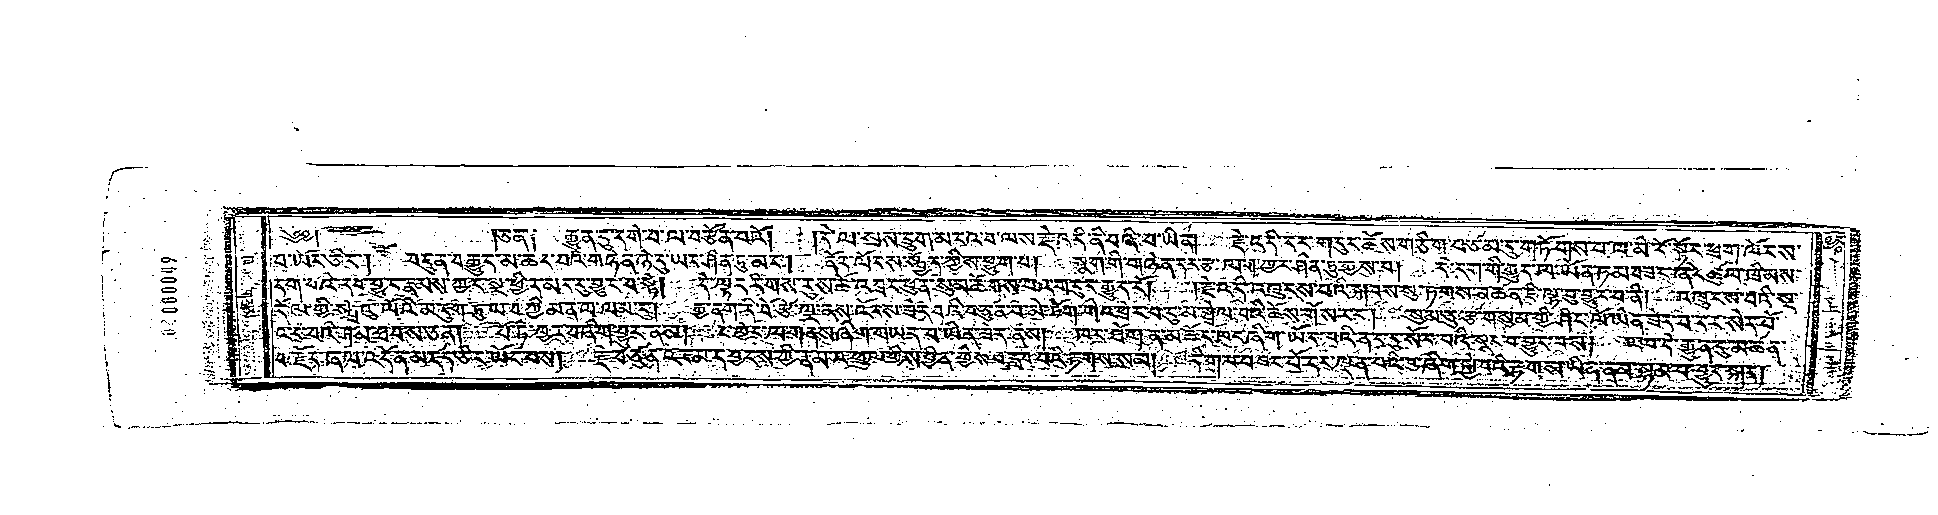༄༅། །ཅན༑ རྒྱུན་དུ་དགེ་བ་ལ་བརྩོན་པའོ། །དེ་ལ་སྲས་དྲུག་མངའ་བ་ལས་རྗེ་འདི་ནི་བཞི་པ་ཡིན། རྗེ་འདི་དང་གདུང་ཆོས་གཅིག་པ་ཙམ་དུ་གཏོག་པ་ལ་མི་རོ་སྟོང་ཕྲག་ལོངས་
བ་ཡོང་ཅིང་། བདུན་བརྒྱུད་མ་ཆད་པའི་གཉེན་ཉེ་དུ་ཡང་ཤིན་ཏུ་མང་། ནོར་ལོངས་སྤྱོད་ཀྱིས་ཕྱུག་པ། སྣག་གི་གཉེན་དར་རྩ་ལག་ཀྱང་ཤིན་ཏུ་གྱིས་པ། རེ་དག་གི་རྒྱུད་ལ་ཡོན་ཏན་བཟང་ཞིང་ཚུལ་ཁྲིམས་
དག་པའི་རབ་བྱུང་རྣམས་ཀྱང་སྔ་ཕྱིར་མང་དུ་བྱུང་བ་སྟེ། དེ་ལྟར་རིགས་རུས་ཆོ་འབྲང་ཕུན་སུམ་ཚོགས་པའི་གདུང་རྒྱུད་དོ། །རྗེ་འདི་འཁྲུངས་པའི་སྐབས་སུ་ཏགས་མཚན་ཇི་ལྟ་བུ་བྱུང་བ་ནི། འཁྲུངས་པའི་སྔ་
རོལ་གྱི་སྤྲེའུ་ལོའི་མཇུག་ཏུ་ཡབ་ཀྱི་མནལ་ལམ་དུ། རྒྱ་ནག་རི་བོ་རྩེ་ལྔ་ནས་འོངས་ཟེར་བའི་བཙུན་བ་མེ་ཏོག་གི་འཕྲེང་བ་དུ་མ་སྤྲེལ་བའི་ཆོས་གོས་དང་། སུམ་ཅུ་རྩ་གསུམ་གྱི་ཤིང་ལོ་ཡིན་ཟེར་བ་དར་སེར་པོ་
འ་དྲ་བའི་ཤམ་ཐབས་ཅན། པོ་ཏི་ཁྱར་བ་ཞིག་བྱུང་ནས། ང་ཁྱོད་ལ་གནས་ཞིག་གཡར་བ་ཡིན་ཟེར་ནས། ཁང་ཐོག་ན་མཆོད་ཁང་ཞིག་ཡོད་པའི་ནང་དུ་སོང་བའི་སྣང་བ་བྱུང་བས། ཡབ་དེ་རྒྱུན་དུ་མཚན་
བརྗོད་ཞལ་འདོན་མཛད་ཅིང་ཡོང་བས། རྗེ་བཙུན་འཇམ་དབྱངས་ཀྱི་རྣམ་འཕྲུལ་གྱིས་བྱིན་གྱིས་བརླབ་པའི་རྟགས་སམ། རིག་པ་བཟང་པོ་དང་ལྡན་པའི་བུ་ཞིག་སྐྱེ་བའི་རྟགས་ཡིན་ནམ་སྙམ་པ་བྱུང་སྐད།